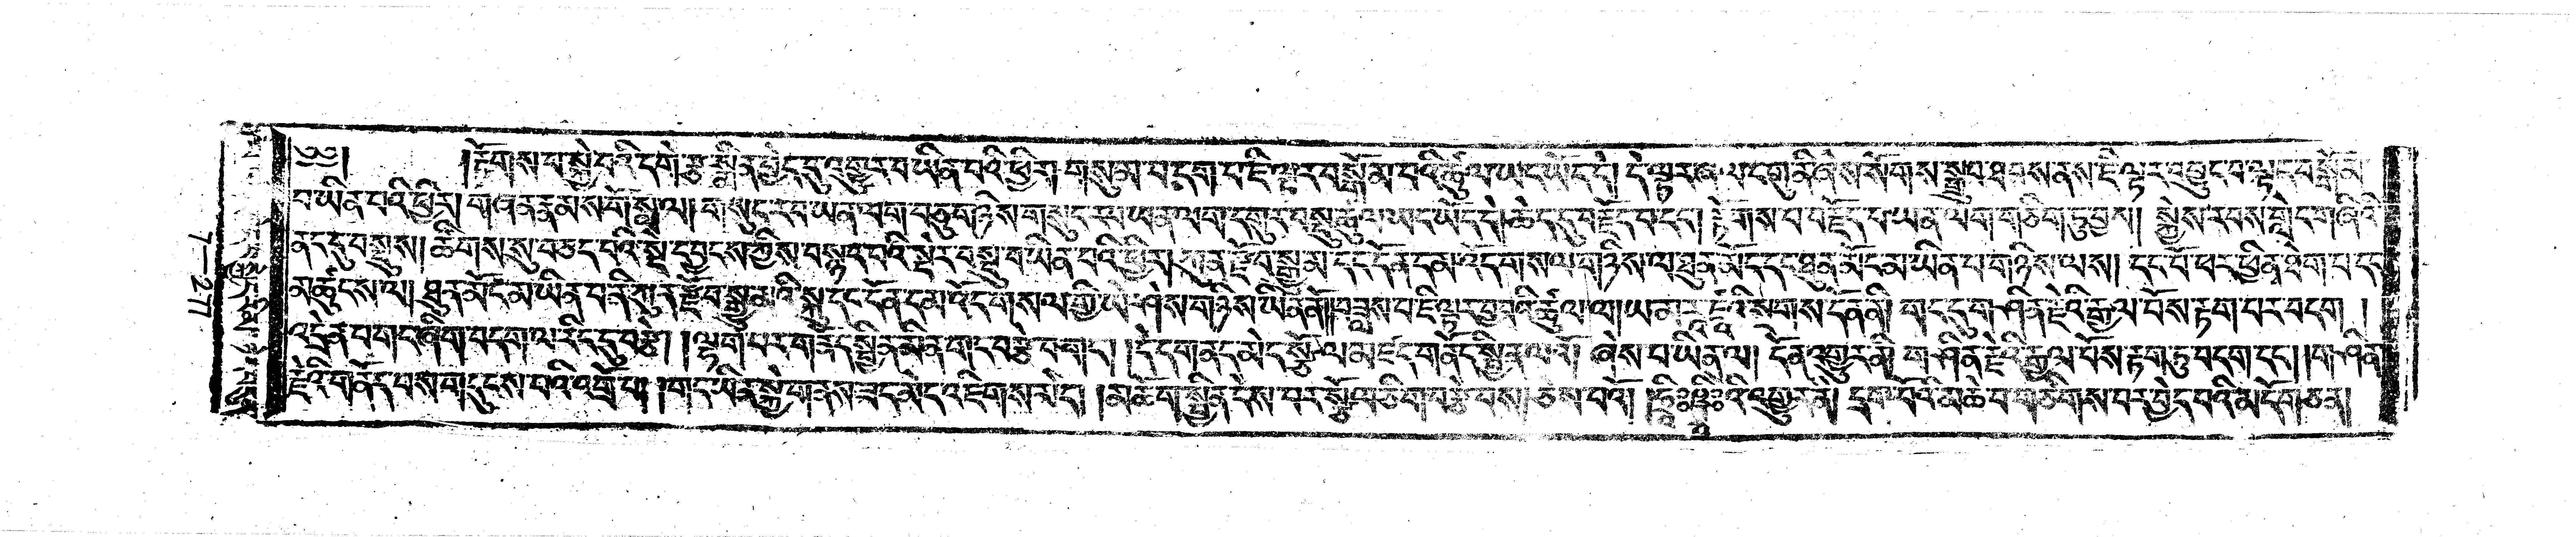༄༅། །རྟོགས་པ་སྐྱེ་བའི་དགེ་རྩ་སྨིན་བྱེད་དུ་འགྱུར་བ་ཡིན་པའི་ཕྱིར། གསུམ་པ་དག་བ་ཇི་ལྟར་བསྒོམ་པའི་ཚུལ་ཡང་ཡོད་དེ། དེ་ལྟར་ཞལ་དགུ་ནི་ཞེས་སོགས་སྒྲུབ་ཐབས་ནས་ཇི་ལྟར་འབྱུང་བ་ལྟར་བསྒོམ་
པ་ཡིན་པའི་ཕྱིར། གཞན་རྣམས་གོ་སླ་ལ། གསུང་རབ་ཡན་ལག་བཅུ་གཉིས་གསུང་རབ་ཡན་ལག་དགུར་བསྡུ་ཚུལ་ཡང་ཡོད་དེ། ཆེད་དུ་བརྗོད་པ་དང་། རྟོགས་པ་བརྗོད་པ་ཡན་ལག་གཅིག་ཏུ་བྱས། སྐྱེས་རབས་གླེང་གཞིའི་
ནང་དུ་བསྡུས། ཚིགས་སུ་བཅད་པའི་སྡེ་དབྱངས་ཀྱིས་བསྙད་པའི་སྔེར་བསྡུ་བ་ཡིན་པའི་ཕྱིར། ཀུན་རྫོབ་སྒྱུ་མ་དང་དོན་དམ་འོད་གསལ་གཉིས་ལ་ཐུན་མོང་དང་ཐུན་མོང་མ་ཡིན་པ་གཉིས་ལས། དང་པོ་ཕར་ཕྱིན་ཐེག་པ་དང་
མཚུངས་ལ། ཐུན་མོང་མ་ཡིན་པ་ནི་ཀུན་རྫོབ་སྒྱུ་མའི་སྐུ་དང་དོན་དམ་འོད་གསལ་གྱི་ཡེ་ཤེས་གཉིས་ཡིན་ནོ། །བཟླས་པ་ཇི་ལྟར་བྱ་བའི་ཚུལ་ལ། ཡ་མ་རཱ་ཛཱའི་སྔགས་དོན་ནི། གང་དུ་གཤིན་རྗེའི་རྒྱལ་པོས་རྟག་པར་བདག །
འདྲེན་པ་གང་ཞིག་བདག་ལ་རིང་དུ་བརྩེ། །ལྷག་པར་གནོད་སྦྱིན་མིན་གང་བརྩེ་བ་གང་། །དེ་དག་ནད་མེད་སྩོལ་མཛད་གནོད་སྦྱིན་ལའོ། །ཞེས་པ་ཡིན་ལ། དོན་འགྱུར་ནི། གཤིན་རྗེའི་རྒྱལ་པོས་རྟག་ཏུ་བདག་དང་། །གཤིན་
རྗེའི་གནོད་པས་གདུངས་པའི་འགྲོ་བ། །གང་ཡིན་སྐྱེ་གནས་ཟད་མེད་འཇིགས་མེད། །མཆོག་སྦྱིན་ངེས་པར་སྩོལ་ཅིག་བརྩེབས། ཅེས་པའོ། །ཧྲཱིཿ ཥྚཱིཿ འི་འགྱུར་ནི། དྲག་པོའི་མཆེ་བ་གཙིགས་པར་བྱེད་པའི་མདོག་ཅན།